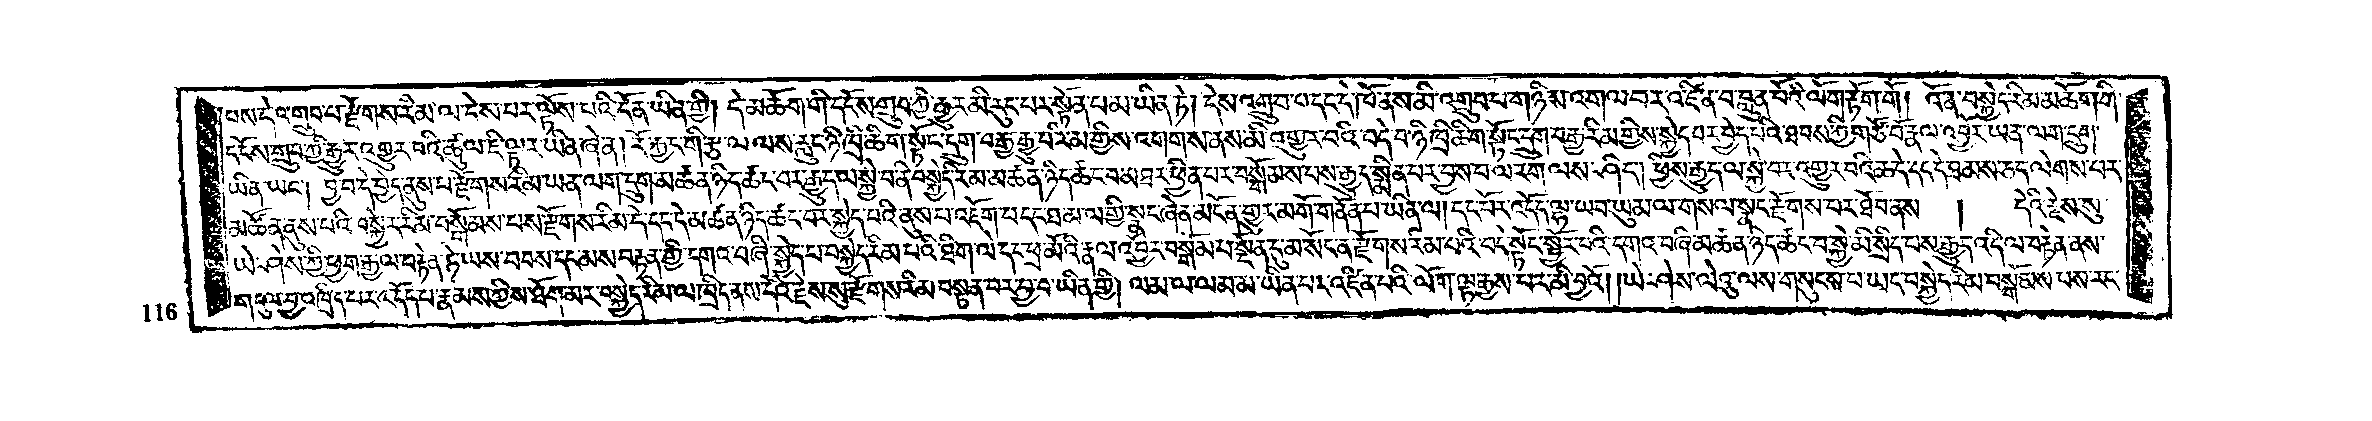པས་དེ་འགྲུབ་པ་རྫོགས་རིམ་ལ་ངེས་པར་ལྟོས་པའི་དོན་ཡིན་གྱི། དེ་མཆོག་གི་དངོས་གྲུབ་ཀྱི་རྒྱུར་མི་རུང་བར་སྟོན་པ་མ་ཡིན་ཏེ། དེས་འགྲུབ་པ་དང་དེ་ཁོ་ནས་མི་འགྲུབ་པ་གཉིས་འགལ་བར་འཛིན་པ་བླུན་པོའི་ལོག་རྟོག་གོ། །འོ་ན་བསྐྱེད་རིམ་མཆོག་གི་
དངོས་གྲུབ་ཀྱི་རྒྱུར་འགྱུར་བའི་ཚུལ་ཇི་ལྟར་ཡིན་ཞེ་ན། རོ་རྐྱང་གི་རྩ་ལ་ལས་རླུང་ཉི་ཁྲི་ཆིག་སྟོང་དྲུག་བརྒྱ་རྒྱུ་པ་རིམ་གྱིས་འགགས་ནས་མི་འགྱུར་བའི་བདེ་བ་ཉི་ཁྲི་ཆིག་སྟོང་དྲུག་བརྒྱ་རིམ་གྱིས་སྐྱེད་པར་བྱེད་པའི་ཐབས་ཀྱི་གཙོ་བོ་རྣལ་འབྱོར་ཡན་ལག་དྲུག་
ཡིན་ཡང་། བྱ་བ་དེ་བྱེད་ནུས་པ་རྫོགས་རིམ་ཡན་ལག་དྲུག་མཚན་ཉིད་ཚང་བར་རྒྱུད་ལ་སྐྱེ་བ་ནི་བསྐྱེད་རིམ་མཚན་ཉིད་ཚང་བ་མཐར་ཕྱིན་པར་བསྒོམས་པས་རྒྱུད་སྨིན་པར་བྱས་པ་ལ་རག་ལས་ཤིང་། ཕྱིས་རྒྱུད་ལ་སྐྱེ་བར་འགྱུར་བའི་ཆ་དེ་དང་དེ་ཐམས་ཅད་ལེགས་པར་
མཚོན་ནུས་པའི་བསྐྱེར་རིམ་བསྒོམས་པས་རྫོགས་རིམ་དེ་དང་དེ་མཚན་ཉིད་ཚང་བར་སྐྱེད་པའི་ནུས་པ་འཇོག་པ་དང་ཐ་མ་ལ་གྱི་སྣང་ཞེན་མངོན་གྱུར་མགོ་གནོན་པ་ཡིན་ལ། དང་པོར་འདོད་ལྷ་ཡབ་ཡུམ་ལ་གསལ་སྣང་རྫོགས་པར་ཐོབ་ནས། དེའི་རྗེས་སུ་
ཡེ་ཤེས་ཀྱི་ཕྱག་རྒྱ་ལ་བརྟེན་ཏེ་ཡས་བབས་དང་མས་བརྟན་གྱི་དགའ་བཞི་སྐྱེད་པ་བསྐྱེད་རིམ་པའི་ཐིག་ལེ་དང་ཕྲ་མོའི་རྣལ་འབྱོར་བསྒོམ་པ་སྔོན་དུ་མ་སོང་ན་རྫོགས་རིམ་པའི་བདེ་སྟོང་སྦྱོར་བའི་དགའ་བཞི་མཚན་ཉིད་ཚང་བ་སྐྱེ་མི་སྲིད་པས་རྒྱུད་འདི་ལ་བརྟེན་ནས་
གདུལ་བྱ་འཁྲིད་པར་འདོད་པ་རྣམས་ཀྱིས་ཐོག་མར་བསྐྱེད་རིམ་ལ་ཁྲིད་ནས་དེའི་རྗེས་སུ་རྫོགས་རིམ་བསྟན་པར་བྱ་བ་ཡིན་གྱི། ལམ་ལ་ལམ་མ་ཡིན་པར་འཛིན་པའི་ལོག་ལྟ་རྒྱས་པར་མི་བྱའོ། །ཡེ་ཤེས་ལེའུ་ལས་གསུངས་པ་ཡང་བསྐྱེད་རིམ་བསྒོམས་པས་རང་